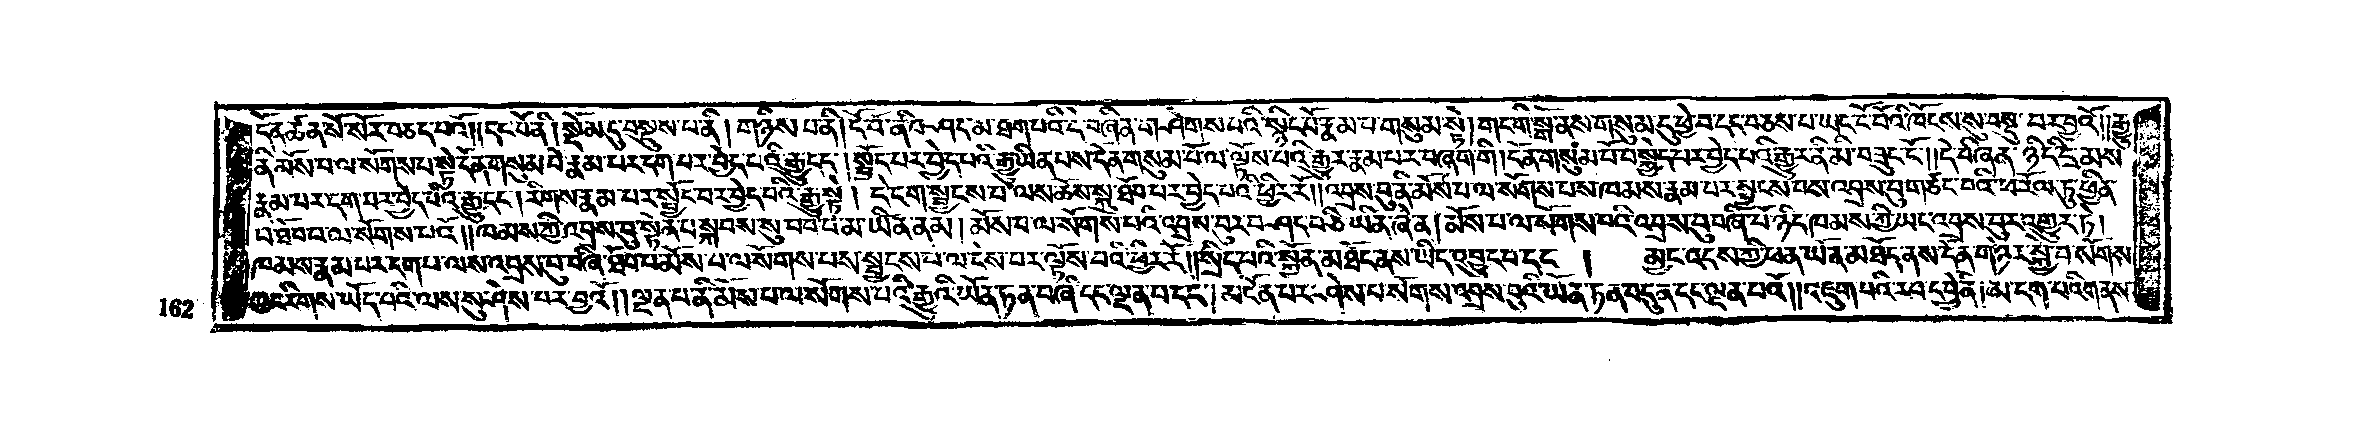དོན་ཚན་སོ་སོར་བཅད་པའོ། །དང་པོ་ནི། སྡོམ་དུ་བསྡུས་པ་ནི། གཉིས་པ་ནི། ངོ་བོ་ནི་བཤད་མ་ཐག་པའི་དེ་བཞིན་གཤེགས་པའི་སྙིང་པོ་རྣམ་པ་གསུམ་སྟེ། གང་གི་སྒོ་ནས་གསུམ་དུ་ཕྱེ་བ་དང་བཅས་པ་ཡང་ངོ་བོའི་ཁོངས་སུ་བསྡུ་བར་བྱའོ། །རྒྱུ་
ནི་མོས་པ་ལ་སོགས་པ་སྟེ་དོན་གསུམ་པོ་རྣམ་པར་དག་པར་བྱེད་པའི་རྒྱུ་དང་། སྤྱོད་པར་བྱེད་པའི་རྒྱུ་ཡིན་པས་དོན་གསུམ་པོ་ལ་ལྟོས་པའི་རྒྱུར་རྣམ་པར་བཞག་གི །དོན་གསུམ་པོ་བསྐྱེད་པར་བྱེད་པའི་རྒྱུར་ནི་མི་བཟུང་ངོ། །དེ་བཞིན་ཉིད་དྲི་མས་
རྣམ་པར་དག་པར་བྱེད་པའི་རྒྱུ་དང་། རིགས་རྣམ་པར་སྦྱོང་བར་བྱེད་པའི་རྒྱུ་སྟེ། དེ་དག་སྦྱངས་པ་ལས་ཆོས་སྐུ་ཐོབ་པར་བྱེད་པའི་ཕྱིར་རོ། །འབྲས་བུ་ནི་མོས་པ་ལ་སོགས་པས་ཁམས་རྣམ་པར་སྦྱངས་པས་འབྲས་བུ་གཙང་བའི་ཕ་རོལ་ཏུ་ཕྱིན་
པ་ཐོབ་པ་ལ་སོགས་པའོ། །ཁམས་ཀྱི་འབྲས་བུ་སྟེན་པ་སྐབས་སུ་བབ་པ་མ་ཡིན་ནམ། མོས་པ་ལ་སོགས་པའི་འབྲས་བུར་བཤད་པ་ཅི་ཡིན་ཞེ་ན། མོས་པ་ལ་སོགས་པའི་འབྲས་བུ་བཞི་པོ་ཉིད་ཁམས་ཀྱི་ཡང་འབྲས་བུར་འགྱུར་ཏེ།
ཁམས་རྣམ་པར་དག་པ་ལས་འབྲས་བུ་བཞི་ཐོབ་པས་མོས་པ་ལ་སོགས་པས་སྦྱངས་པ་ལ་ངེས་པར་ལྟོས་པའི་ཕྱིར་རོ། །སྲིད་པའི་སྐྱོན་མཐོང་ནས་ཡིད་འབྱུང་བ་དང་། མྱང་འདས་ཀྱི་ཕན་ཡོན་མཐོང་ནས་དོན་གཉེར་སྐྱེ་བ་སོགས་
ཀྱང་རིགས་ཡོད་པའི་ལས་སུ་ཤེས་པར་བྱའོ། །ལྡན་པ་ནི་མོས་པ་ལ་སོགས་པའི་རྒྱུའི་ཡོན་ཏན་བཞི་དང་ལྡན་པ་དང་། མངོན་པར་ཤེས་པ་སོགས་འབྲས་བུའི་ཡོན་ཏན་བདུན་དང་ལྡན་པའོ། །འཇུག་པའི་རབ་དབྱེ་ནི། མ་དག་པའི་གནས་